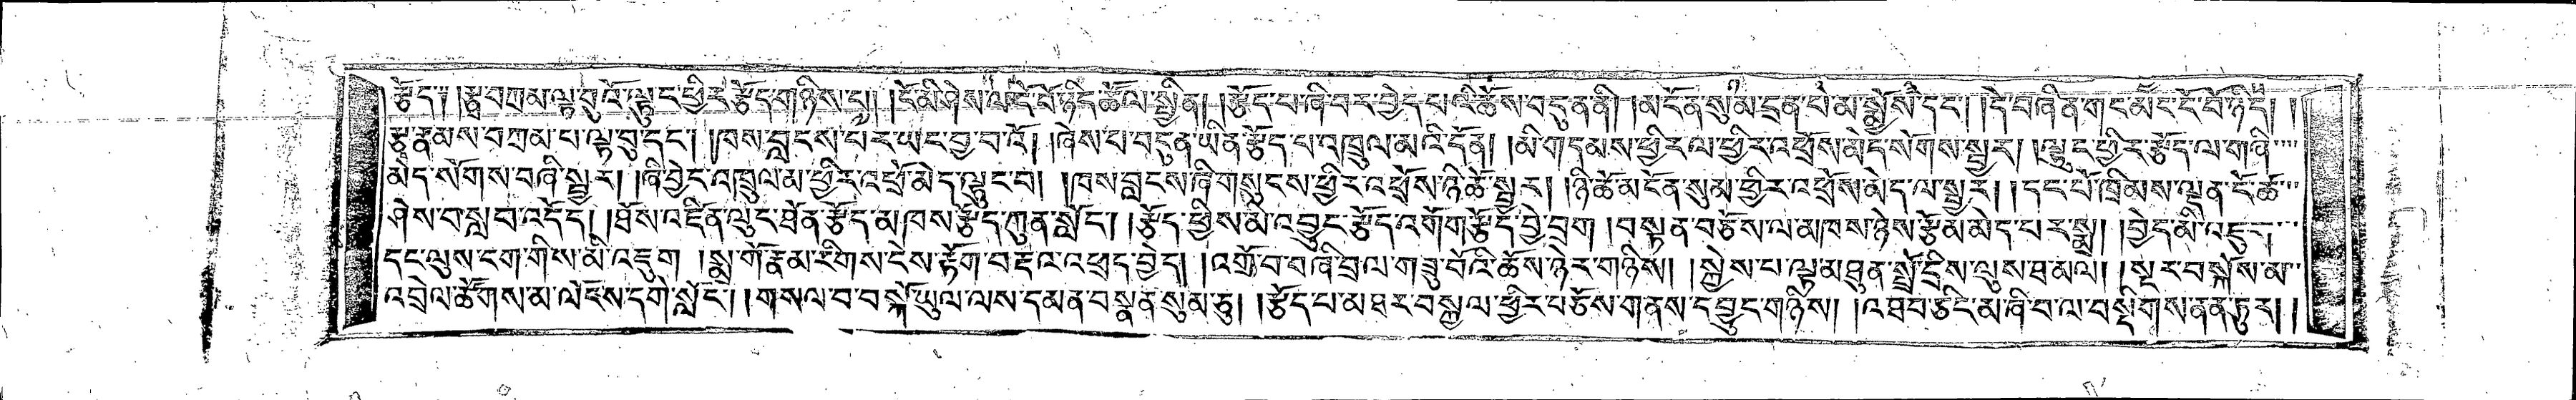རྩོད། ?་བཀྲམ་ལྟ་བུའོ་ལྟུང་ཕྱིར་རྩོད་གཉིས་པ། །ངོ་མི་ཤེས་ལ་ངོ་བོ་ཉིད་ཚོལ་སྤྱིན། །རྩོད་པ་ཞི་བར་བྱེད་པའི་ཆོས་བདུན་ནི། །མངོན་སུམ་དྲན་པ་མ་སྨྱོས་དང་། །དེ་བཞིན་གང་མང་ངོ་བོ་ཉིད། །
རྩྭ་རྣམས་བཀྲམ་པ་ལྟ་བུ་དང་། །ཁས་བླངས་པར་ཡང་བྱ་བ་འོ། །ཞེས་པ་བདུན་ཡིན་རྩོད་པ་འཁྲུལ་མའི་དོན། །མི་གདམས་ཕྱིར་ལ་ཕྱིར་འཕྲོས་མེད་སོགས་སྦྱར། །ལྟུང་ཕྱིར་རྩོད་ལ་གཞི་
མེད་སོགས་བཞི་སྦྱར། །ཞི་བྱེད་འཁྲུལ་མ་ཕྱིར་འཕྲོ་མེད་ལྟུང་བ། །ཁས་བླངས་ཞི་གསུངས་ཕྱིར་འཕྲོས་ཉི་ཚེ་སྦྱར། །ཉི་ཆོ་མངོན་སུམ་ཕྱིར་འཕྲོས་མེད་ལ་སྦྱར། །དང་པོ་ཁྲིམས་ལྡན་ངོ་ཚ་
ཤེས་བསླབ་འདོད། །ཐོས་འཛིན་ལུང་ཐོན་རྩོད་མཁས་རྩོད་ཀུན་སློང་། །རྩོད་ཕྱིས་མི་འབྱུང་རྩོད་འགོག་རྩོད་བྱེ་བྲག །བསྟན་བཅོས་ལ་མཁས་ཉེས་རྩོམ་མེད་པར་སྨྲ། །བྱེད་མི་འཇུག་
དང་ལུས་ངག་གིས་མི་འཇུག །སྨྲ་གོ་རྣམ་རིགས་ངེས་རྟོག་བརྔའ་འཕྲད་བྱེད། །འགྲོ་བ་བཞི་བྲལ་གཟུ་བོའི་ཆོས་ཉེར་གཉིས། །སྐྱེས་པ་ལྟ་མཐུན་སྤྲོ་དྲིས་ལུས་ཐ་མལ། །སྔར་བསྐོས་མ་
འབྲེལ་ཚོགས་མ་ལོངས་དགེ་སློང་། །གསལ་བ་བསྐོ་ཡུལ་ལས་དམན་བསྣན་སུམ་ཅུ། །རྩོད་པ་མཐར་བསྐྱལ་ཕྱིར་བཅོས་གནས་དབྱུང་གཉིས། །འཐབ་ཅིང་མ་ཞི་བ་ལ་བསྡིགས་ནན་ཏུར། །